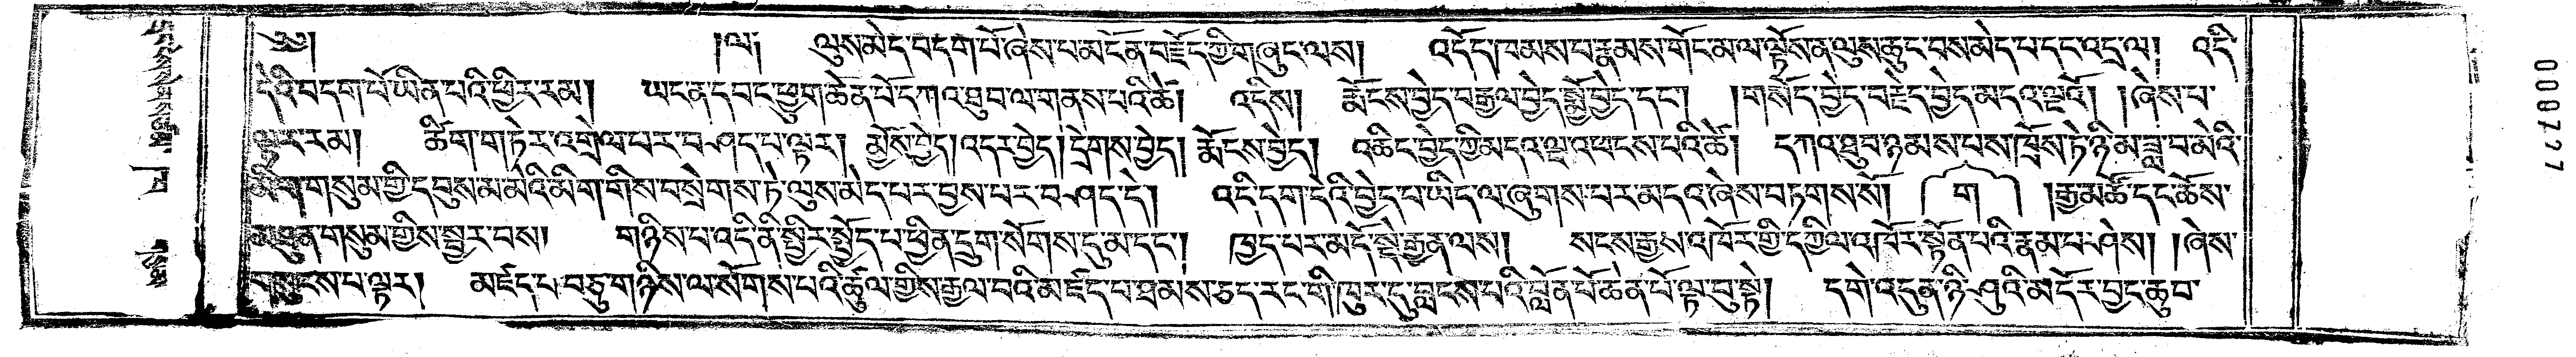༄༅། །ལ༑ ལུས་མེད་བདག་པོ་ཞེས་པ་མངོན་བརྗོད་ཀྱི་གཞུང་ལས། འདོད་ཁམས་པ་རྣམས་གོང་མ་ལ་ལྟོས་ན་ལུས་ཆུང་བས་མེད་པ་དང་འདྲ་ལ། འདི་
དེའི་བདག་པོ་ཡིན་པའི་ཕྱིར་རམ། ཡང་ན་དབང་ཕྱུག་ཆེན་པོ་དཀའ་ཐུབ་ལ་གནས་པའི་ཚེ། འདིས། རྨོངས་བྱེད་བརྒྱལ་བྱེད་སྨྱོ་བྱེད་དང་། །གསོད་བྱེད་བརྗེད་བྱེད་མདའ་ལྔའོ། །ཞེས་པ་
ལྟར་རམ། ཚིག་གཏེར་འགྲེལ་པར་བཤད་པ་ལྟར། མྱོས་བྱེད། འདར་བྱེད། དྲེགས་བྱེད། རྨོངས་བྱེད། འཆིང་བྱེད་ཀྱི་མདའ་ལྔ་འཕངས་པའི་ཚེ། དཀའ་ཐུབ་ཉམས་པས་ཁྲོས་ཏེ་ཉི་མ་ཟླ་བ་མེའི་
མིག་གསུམ་གྱི་དབུས་མ་མེའི་མིག་གིས་བསྲེགས་ཏེ་ལུས་མེད་པར་བྱས་པར་བཤད་དེ། འདི་དག་དེའི་བྱེད་པ་ཡིད་ལ་ཞུགས་པར་མདའ་ཞེས་བཏགས་སོ། ༼ག༽ །རྒྱ་མཚོ་དང་ཆོས་
མཐུན་གསུམ་གྱིས་སྦྱར་བས། གཉིས་པ་འདི་ནི་སྤྱིར་སྤྱོད་པ་ཕྱིན་དྲུག་སོགས་དུ་མ་དང་། ཁྱད་པར་མདོ་སྡེ་རྒྱན་ལས། སངས་རྒྱས་འཁོར་གྱི་དཀྱིལ་འཁོར་སྟོན་པའི་རྣམ་པ་ཤེས། །ཞེས་
གསུངས་པ་ལྟར། མཛད་པ་བཅུ་གཉིས་ལ་སོགས་པའི་ཚུལ་གྱིས་རྒྱལ་བའི་མཛད་པ་ཐམས་ཅད་རང་གི་ཁུར་དུ་བླངས་པའི་བློན་པོ་ཆེན་པོ་ལྟ་བུ་སྟེ། དགེ་འདུན་ཉི་ཤུའི་མདོར་བྱང་ཆུབ་